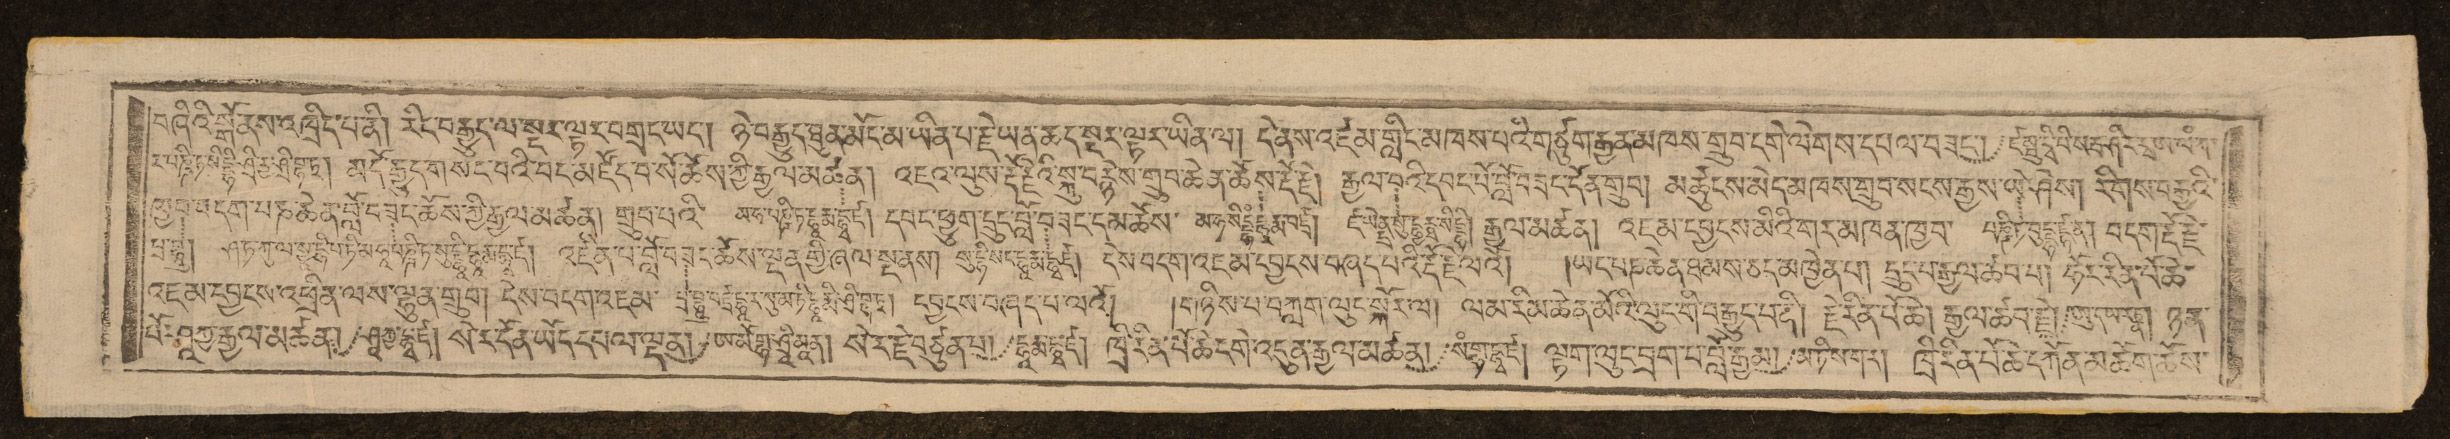བཞིའི་སྒོ་ནས་འཁྲིད་པ་ནི། རིང་བརྒྱུད་ལ་སྔར་ལྟར་བགྲང་ཡང་། ཉེ་བརྒྱུད་ཐུན་མོང་མ་ཡིན་པ་རྗེ་ཡན་ཆད་སྔར་ལྟར་ཡིན་ལ། དེ་ནས་འཛམ་གླིང་མཁས་པའི་གཙུག་རྒྱན་མཁས་གྲུབ་དགེ་ལེགས་དཔལ་བཟང་། ཛམྦུ་དྲི་པི་སར་ཤིར་རྭ་ཨ་ལཾ་ཀ་
ར་པཎྜི་ཏ་སིདྡྷི་ཤྲི་རྱ་ཤྲི་བྷ་ཏྲ། མདོ་རྒྱུད་གསང་བའི་བང་མཛོད་བ་སོ་ཆོས་ཀྱི་རྒྱལ་མཚན། འཇའ་ལུས་རྡོ་རྗེའི་སྐུ་བརྙེས་གྲུབ་ཆེན་ཆོས་རྡོ་རྗེ། རྒྱལ་བའི་དབང་པོ་བློ་བཟང་དོན་གྲུབ། མཚུངས་མེད་མཁས་གྲུབ་སངས་རྒྱས་ཡེ་ཤེས། རིགས་བརྒྱའི་
ཁྱབ་བདག་པཎ་ཆེན་བློ་བཟང་ཆོས་ཀྱི་རྒྱལ་མཚན། གྲུབ་པའི་མ་ཧ་པཎྜི་ཏ་དྷཱརྨ་དྷྭ་ཛ། དབང་ཕྱུག་དྲུང་བློ་བཟང་དམ་ཆོས་མ་ཧ་སིདྡྷཾ་དྷཱརྨ་བཛྲ། ཛ་ལེནྡྲ་སུ་དྷྱ་རྠ་སིདྡྷི། རྒྱལ་མཚན། འཇམ་དབྱངས་མིའི་གར་མཁན་ཁྱབ་པཎྜི་ཏ་བུདྡྷ་ཛྟ་ན། བདག་རྡོ་རྗེ་
པྲ་བྷཱུ། ཤ་ཏ་ཀུ་ལ་སྱཱ་དྷི་པ་ཏི་མ་ཧཱ་པཎྜི་ཏ་སུདྡྷཱི་དྷཱརྨ་དྷཱ་ཛ། འཛིན་པ་བློ་བཟང་ཆོས་ལྡན་གྱི་ཞལ་སྔ་ནས། སུ་དྷི་སང་དྷཱརྨ་དྷྭ་ཛ། དེས་བདག་འཇམ་དབྱངས་བཞད་པའི་རྡོ་རྗེ་ལའོ། །ཡང་པཎ་ཆེན་ཐམས་ཅད་མཁྱེན་པ། དྲུང་པ་རྒྱལ་ཚབ་པ། ཧོར་རིན་པོ་ཆེ་
འཇམ་དབྱངས་འཕྲིན་ལས་ལྷུན་གྲུབ། དེས་བདག་འཇམ་པྲ་བྷཱུ་བཛྲ་དྷཱ་ར་སུ་མ་ཏི་དྷཱ་རྨི་ཤྲཱི་བྙ་ཏྲ། དབྱངས་བཞད་པ་ལའོ། །གཉིས་པ་བཀླག་ལུང་སྐོར་ལ། ལམ་རིམ་ཆེན་མོའི་ལུང་གི་བརྒྱུད་པ་ནི། རྗེ་རིན་པོ་ཆེ། རྒྱལ་ཚབ་རྗེ། ཨུ་དམ་ར་ཏན། ཉན་
པོ་ཤཱཀྱ་རྒྱལ་མཚན། ཤཱཀྱ་ཕྭ་ཛ། སེར་དོན་ཡོད་དཔལ་ལྡན། ཨ་མོ་བྷ་ཤྲཱི་མནན། སེར་རྗེ་བཙུན་པ། དྷཱ་རྨ་དྠ་ཛ། ཁྲི་རིན་པོ་ཆེ་དགེ་འདུན་རྒྱལ་མཚན། སཾ་གྷ་དྷྭ་ཛ། ལྟག་ལུང་བྲག་པ་བློ་རྒྱམ། མ་ཏིས་ག་ར། ཁྲི་རིན་པོ་ཆེ་དཀོན་མཆོག་ཆོས་